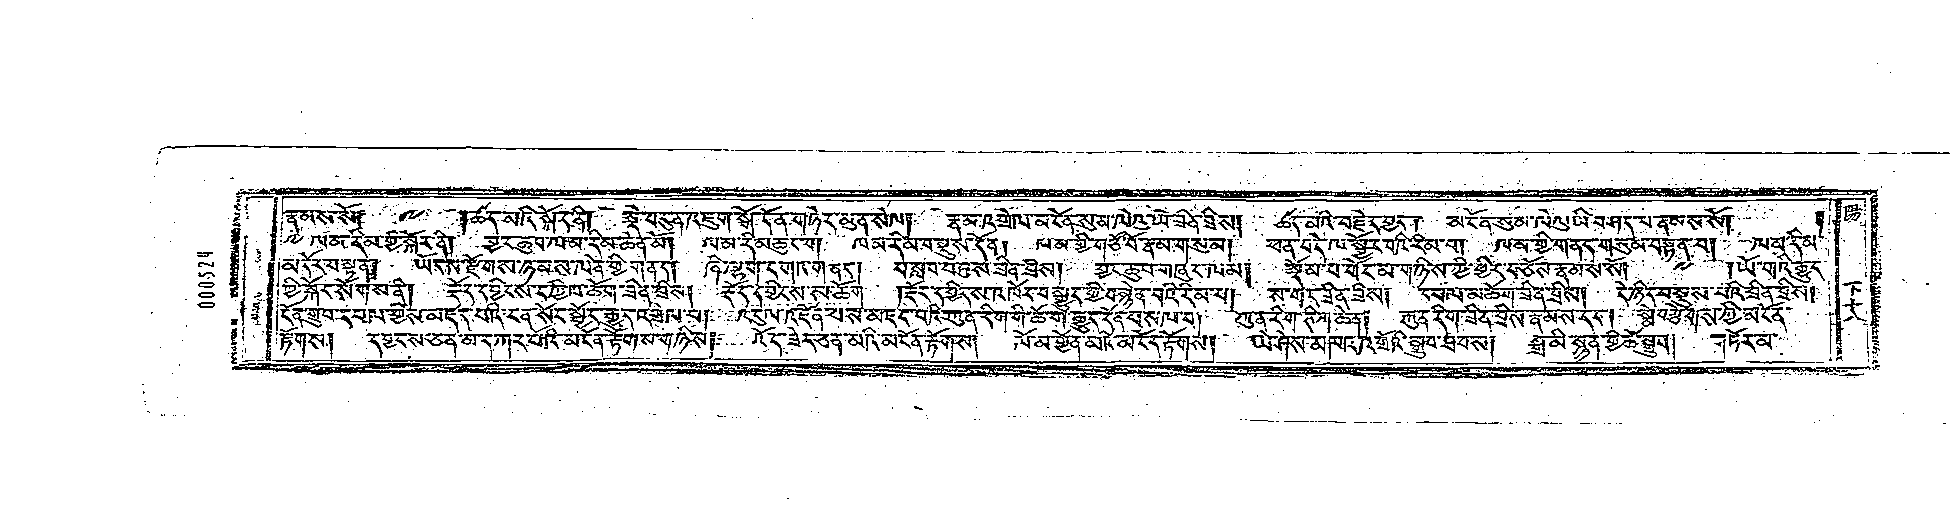རྣམས་སོ། ༧་།ཚད་མའི་སྐོར་ནི། སྡེ་བདུན་འཇུག་སྒོ་དོན་གཉེར་མུན་སེལ། རྣམ་འགྲེལ་མངོན་སུམ་ལེའུ་ཡི་ཟིན་བྲིས། ཚད་མའི་བརྗེད་བྱང་། མངོན་སུམ་ལེའུ་ཡི་བཤད་པ་རྣམས་སོ། །
༧་ལམ་རིམ་གྱི་སྐོར་ནི། བྱང་ཆུབ་ལམ་རིམ་ཆེན་མོ། ལམ་རིམ་ཆུང་བ། ལམ་རིམ་བསྡུས་དོན། ལམ་གྱི་གཙོ་བོ་རྣམ་གསུམ། ཕན་བདེ་ལ་སྦྱོར་བའི་རིམ་པ། ལམ་གྱི་གནད་གསུམ་བསྟན་པ། ལམ་རིམ་
མདོར་བསྟན། ཡོངས་རྫོགས་ཉམས་ལེན་གྱི་གནད། ཞི་ལྷག་དགའ་གནད། བསླབ་བཏུས་ཟིན་བྲིས། བྱང་ཆུབ་གཞུང་ལམ། སྡོམ་པ་གོང་མ་གཉིས་ཀྱི་ཕྱིར་བཅོས་རྣམས་སོ། ༧་།ཡོ་གའི་རྒྱུད་
ཀྱི་སྐོར་སོགས་ནི། རྡོར་དབྱིངས་དཀྱིལ་ཆོག་ཟིན་བྲིས། རྡོར་དབྱིངས་ས་ཆོག །རྡོར་དབྱིངས་འཁོར་བསྒྱུར་གྱི་བསྙེན་པའི་རིམ་པ། ས་གང་ཟིན་བྲིས། དཔལ་མཆོག་བྲིན་བྲིས། དེ་ཉིད་བསྡུས་པའི་བྲིན་བྲིས།
དོན་གྲུབ་དཔལ་གྱིས་མཛད་པའི་ངན་སོང་སྤྱོད་རྒྱུད་འགྲེལ་པ། འདུལ་འཛིན་པས་མཛད་པའི་ཀུན་རིག་གི་ཆོ་གེ་རྒྱུད་དོན་བསལ་བ། ཀུན་རིག་ཊིཀ་ཆེན། རྐུན་རིག་ཟིན་བྲིས་རྣམས་དང་། སྨེ་བརྩེགས་ཀྱི་མངོན་
རྟོགས། དབྱངས་ཅན་མ་དཀར་པོའི་མངོན་རྟོགས་གཉིས། འོད་ཟེར་ཅན་མའི་མངོན་རྟོགས། ལོ་མ་གྱོན་མའི་མངོན་རྟོགས། ཡེ་ཤེས་མཁའ་འགྲོའི་སྒྲུབ་ཐབས། སྒྲ་མི་སྙན་གྱི་ཚེ་སྒྲུབ། གཏོར་མ་